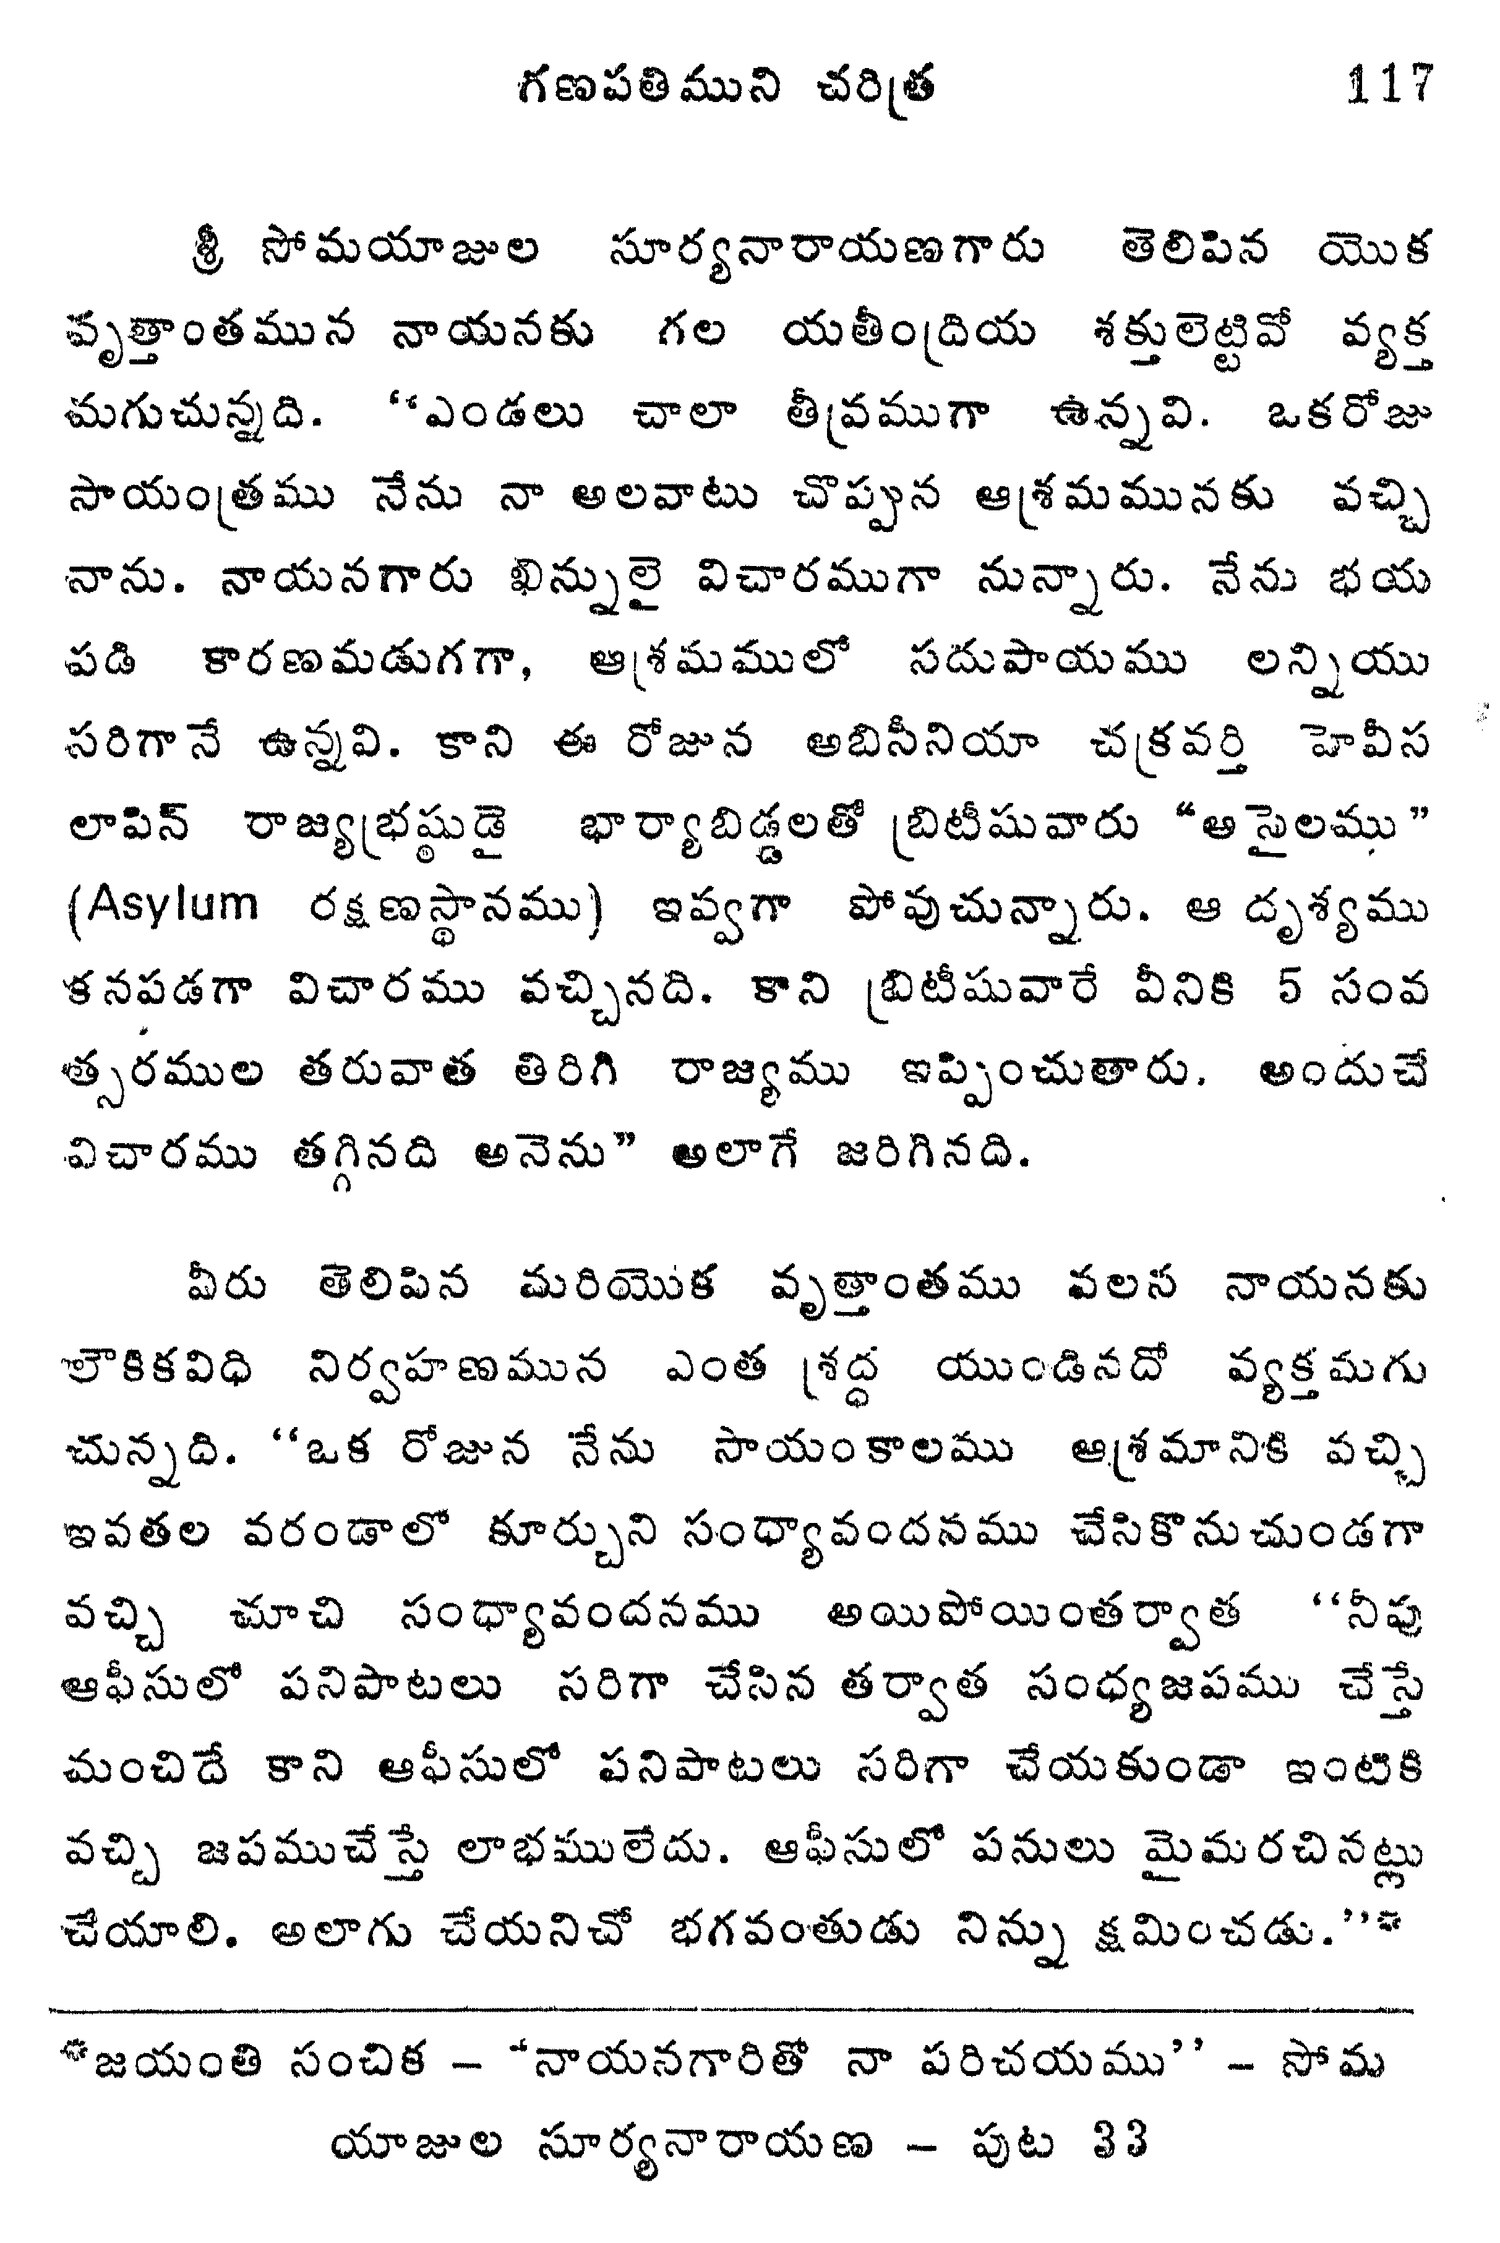శ్రీ సోమయాజుల సూర్యనారాయణగారు తెలిపిన యొక వృత్తాంతమున నాయనకు గల యతీంద్రియ శక్తులెట్టివో వ్యక్తమగుచున్నది. "ఎండలు చాలా తీవ్రముగా ఉన్నవి. ఒకరోజు సాయంత్రము నేను నా అలవాటు చొప్పున ఆశ్రమమునకు వచ్చినాను. నాయనగారు ఖిన్నులై విచారముగా నున్నారు. నేను భయపడి కారణమడుగగా, ఆశ్రమములో సదుపాయము లన్నియు సరిగానే ఉన్నవి. కాని ఈ రోజున అబిసీనియా చక్రవర్తి హెవీస లాపిన్ రాజ్యభ్రష్ఠుడై భార్యాబిడ్డలతో బ్రిటీషువారు "అసైలము" (Asylum రక్షణస్థానము) ఇవ్వగా పోవుచున్నారు. ఆ దృశ్యము కనపడగా విచారము వచ్చినది. కాని బ్రిటీషువారే వీనికి 5 సంవత్సరముల తరువాత తిరిగి రాజ్యము ఇప్పించుతారు. అందుచే విచారము తగ్గినది అనెను" అలాగే జరిగినది.

వీరు తెలిపిన మరియొక వృత్తాంతము వలన నాయనకు లౌకికవిధి నిర్వహణమున ఎంత శ్రద్ద యుండినదో వ్యక్తమగు చున్నది. "ఒక రోజున నేను సాయంకాలము ఆశ్రమానికి వచ్చి ఇవతల వరండాలో కూర్చుని సంధ్యావందనము చేసికొనుచుండగా వచ్చి చూచి సంధ్యావందనము అయిపోయింతర్వాత "నీవు ఆఫీసులో పనిపాటలు సరిగా చేసిన తర్వాత సంధ్యజపము చేస్తే మంచిదే కాని ఆఫీసులో పనిపాటలు సరిగా చేయకుండా ఇంటికి వచ్చి జపముచేస్తే లాభములేదు. ఆఫీసులో పనులు మైమరచినట్లు చేయాలి. అలాగు చేయనిచో భగవంతుడు నిన్ను క్షమించడు."*